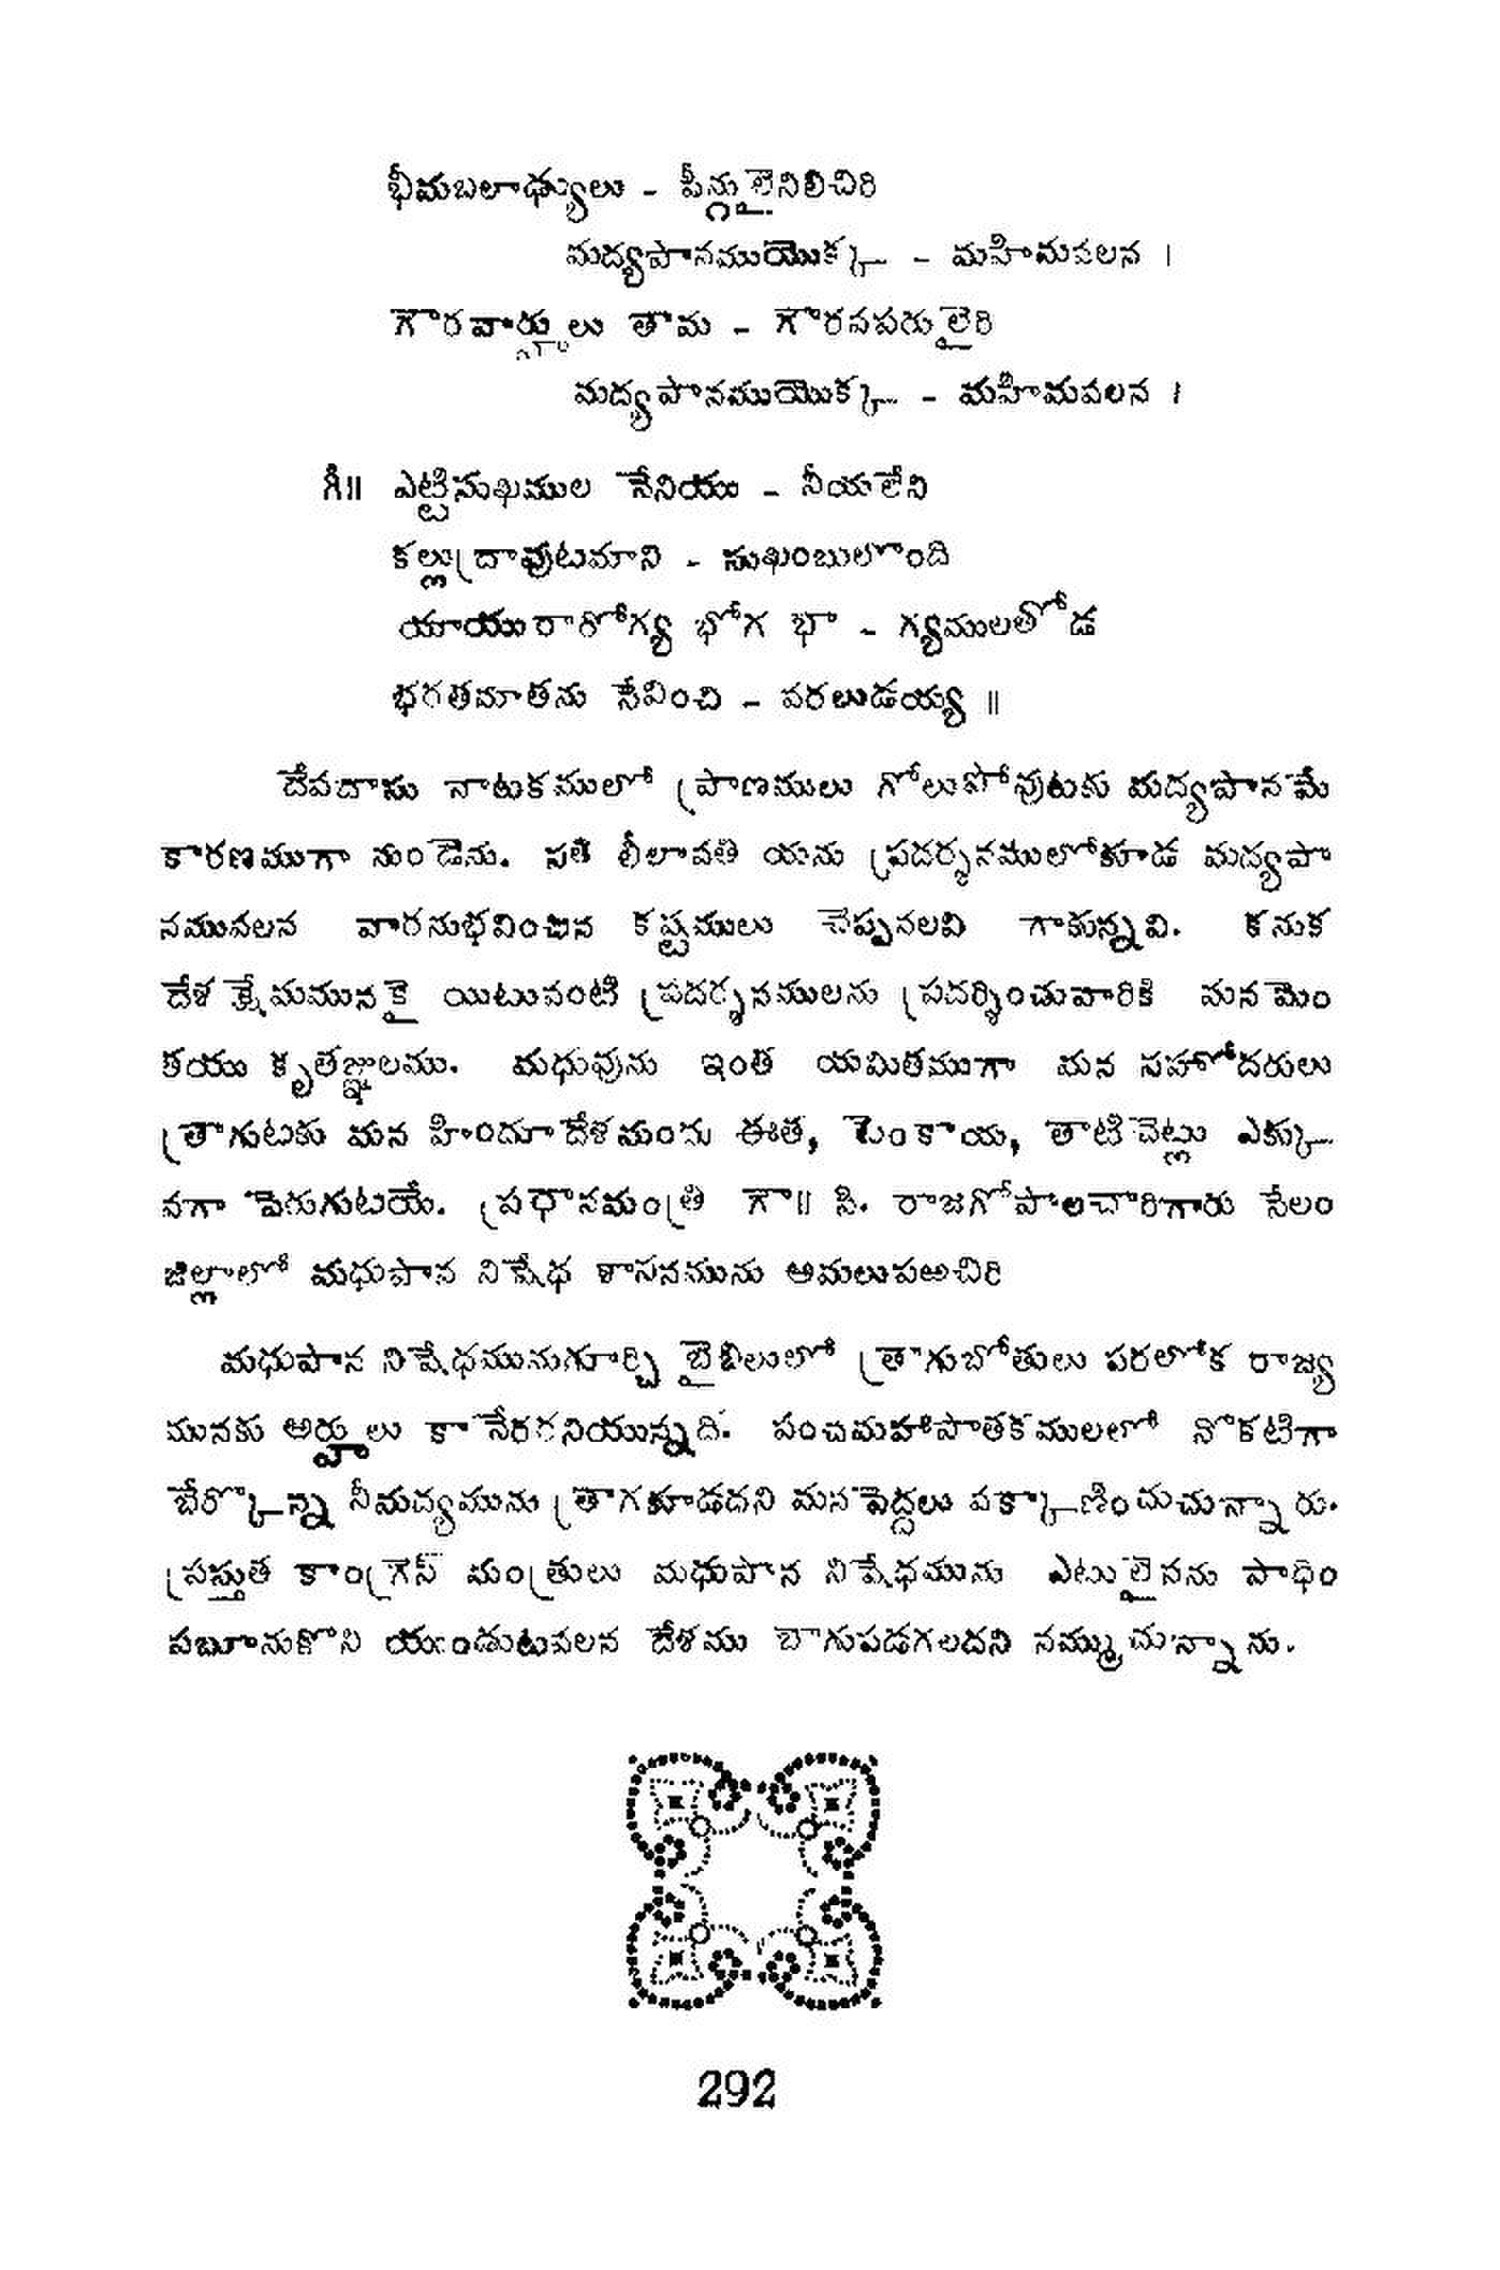భీమబలాఢ్యులు -పీన్గులైనిలిచిరి
 మధ్యపానముయొక్క - మహిమవలన !
 గౌరవార్హులు తామ - గౌరవపరులైరి
 మధ్యపానముయొక్క - మహిమవలన !

గీ|| ఎట్టిసుఖముల నేనియు - నీయలేని
 కల్లుద్రావుటమాని - సుఖంబులొంది
 యాయురారోగ్య భోగ భా - గ్యములతోడ
 భరతమాతను సేవించి - వరలుడయ్య|| 

 
దేవదాసు నాటకములో ప్రాణములు గోలుపోవుటకు మద్యపానమే కారణము గా నుండెను. సతి లీలావతి యను ప్రదర్శనములోకూడ మద్యపానమువలన వారనుభవించిన కష్టములు చెప్పనలవి గాకున్నవి. కనుక దేశక్షేమమునకై యిటువంటి ప్రదర్శనములను ప్రదర్శించువారికి మనమెంతయు కృతజ్ఞలము. మధువును ఇంత యమితముగా మన సహోదరులు త్రాగుటకు మన హిందూ దేశమందు ఈత, టెంకాయ, తాటిచెట్లు ఎక్కువగా పెరుగుటయే. ప్రధానమంత్రి గౌ|| సి. రాజగోపాలచారిగారు సేలం జిల్లాలో మధుపాన నిషేధ శాసనమును అమలుపఱచిరి.
 
మధుపాన నిషేధమునుగూర్చి బైబిలులో త్రాగుబోతులు పరలోక రాజ్యము నకు అర్హులు కానేరరనియున్నది. పంచంహాపాతకములలో నొకటిగా బేర్కొన్న నీమధ్యమును త్రాగకూడదని మనపెద్దలు వక్కాణించుచున్నారు. ప్రస్తుత కాంగ్రెస్ మంత్రులు మధుపాన నిషేధమును ఎటులైనను సాధింపబూనుకొని యుండుట వలన దేశము బాగుపడగలదని నమ్ముచున్నాను.